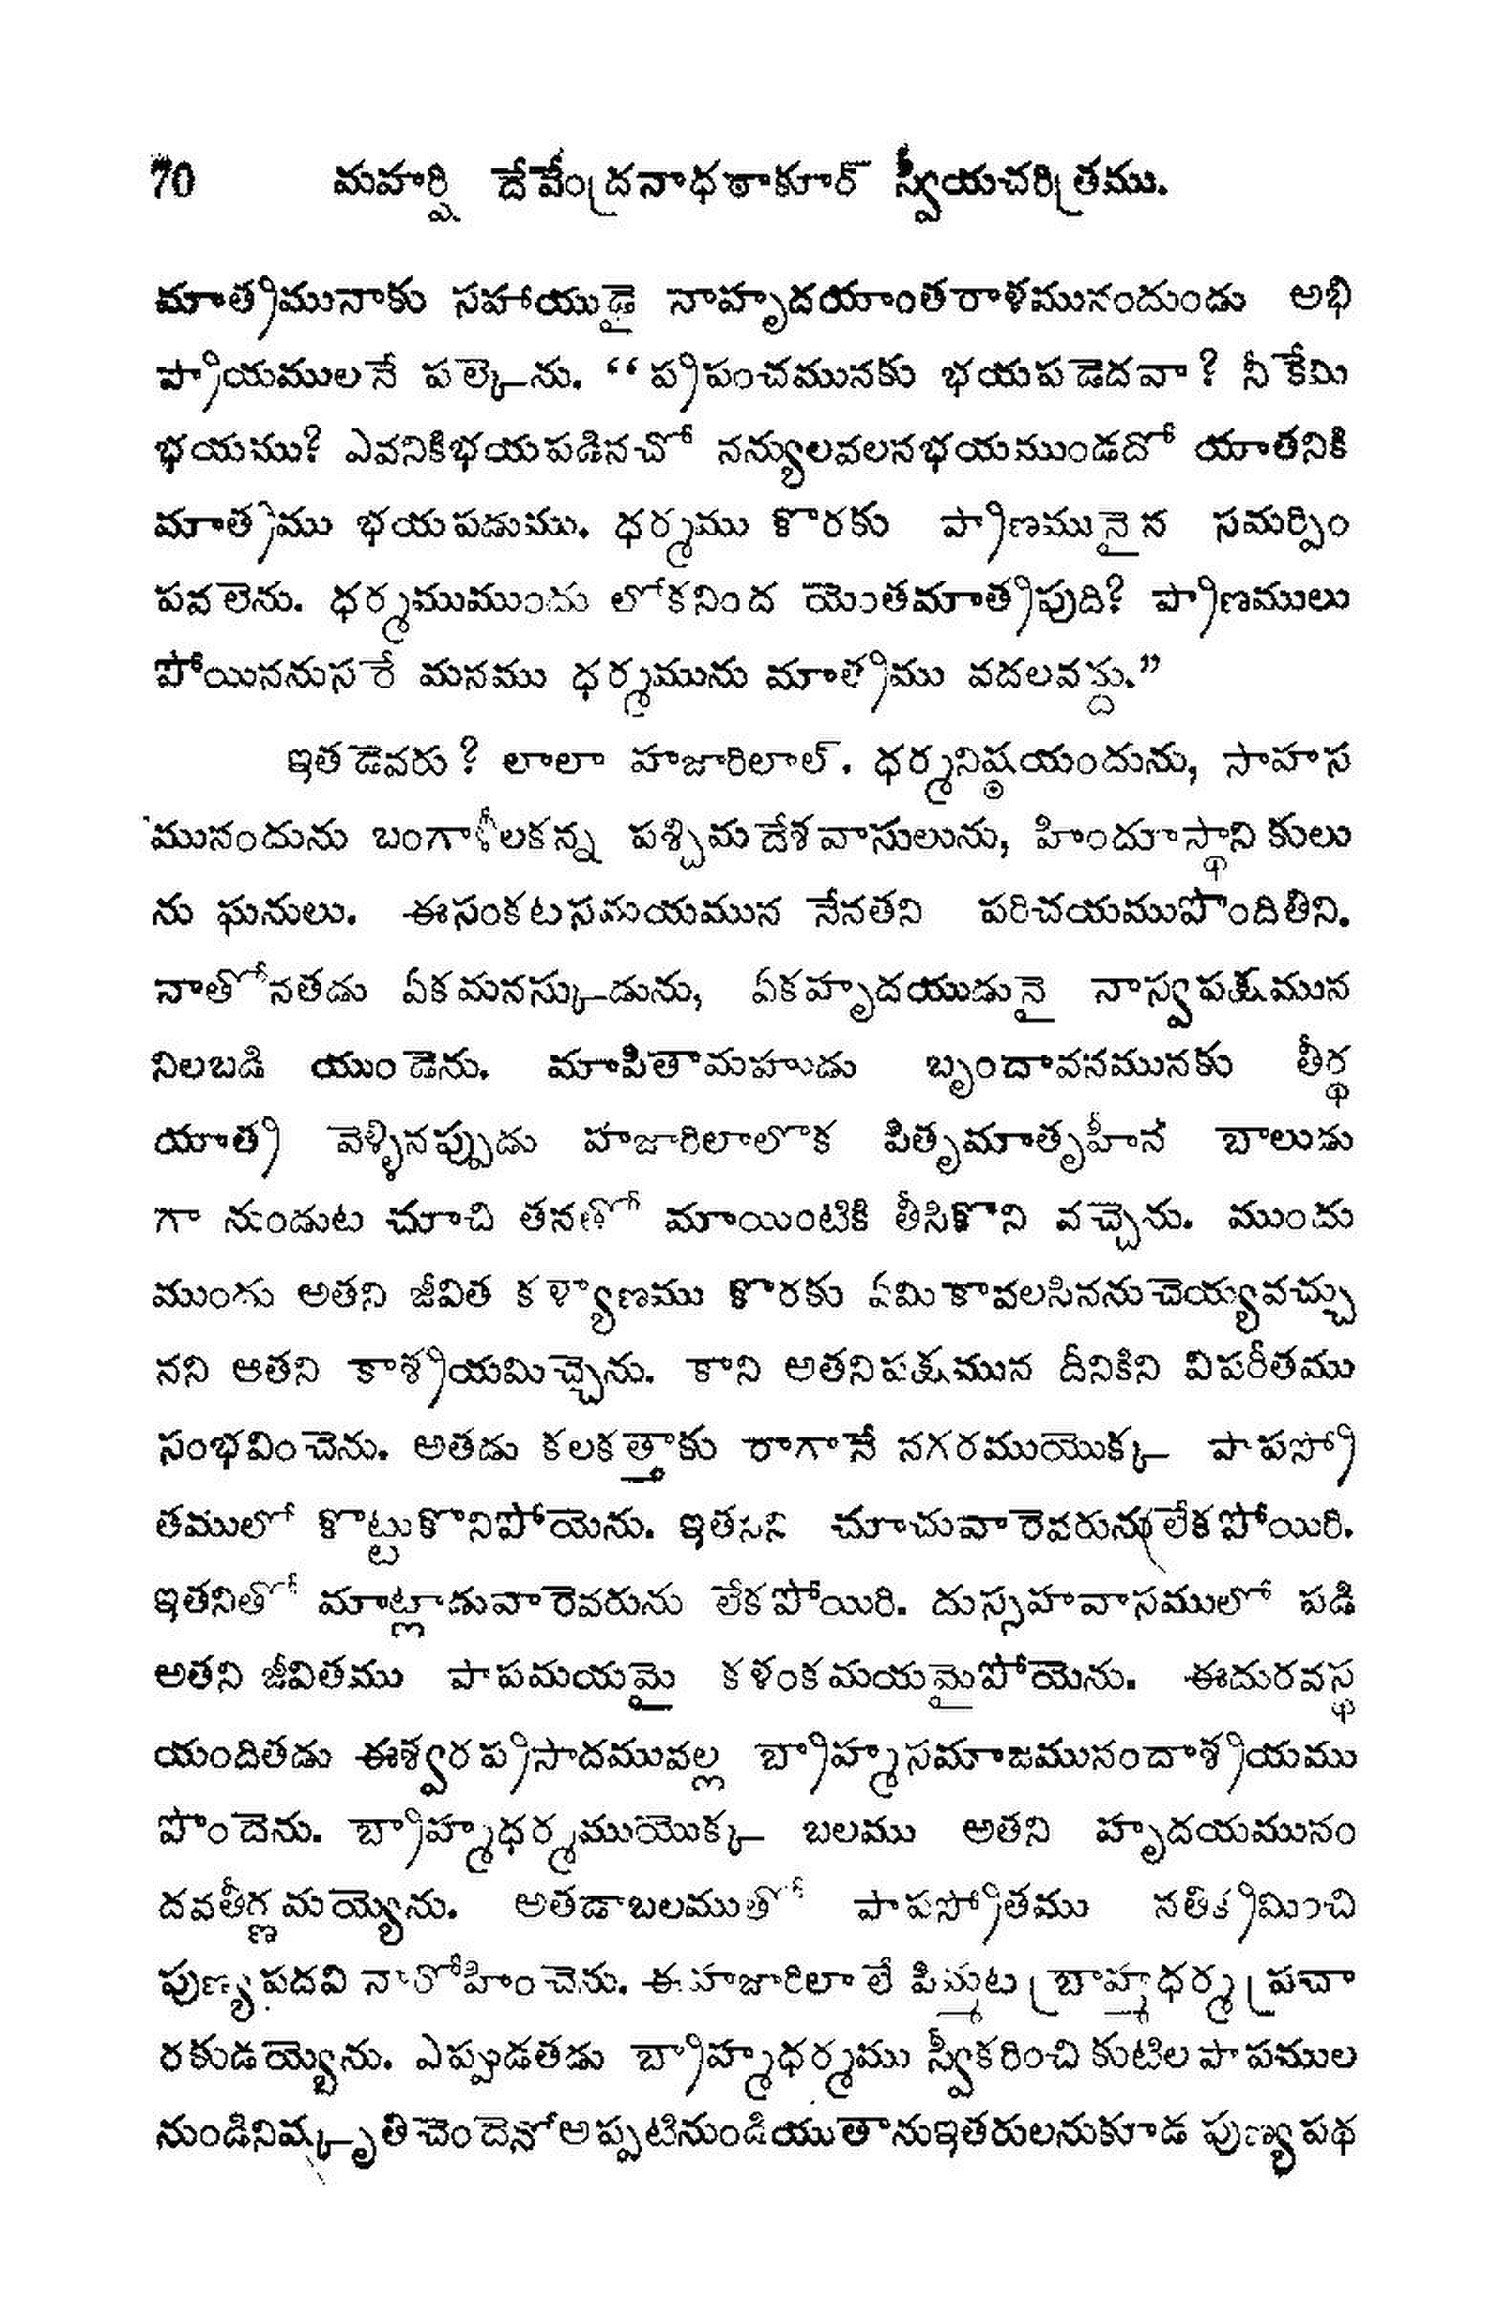మాత్రమునాకు సహాయుడై నాహృదయాంతరాళము నందుండు అభి
పోయములనే పల్కెను. “ ప్రపంచమునకు భయపడెదవా ? నీ కేమి
భయము? ఎవనికి భయపడినచో నన్యులవలన భయముండదో యాతనికి
మాత్రము భయపడుము, ధర్మము కొరకు ప్రాణము నైన సమర్పిం
పవలెను. ధర్మముముందు లోకనింద యెంతమాత్రపుది? ప్రాణములు
పోయినను సరే మనము ధర్మమును మాత్రము వదలవద్దు.”

ఇతడెవరు? లాలా హజారిలాల్, ధర్మనిష్ఠయందును, సాహస మునందును బంగాళీల కన్న పశ్చిమ దేశ వాసులును, హిందూస్థానికులును ఘనులు. ఈసంకట సమయమున నేనతని పరిచయము పొందితిని. నాతో నతడు ఏకమనస్కుడును, ఏకహృదయుడునై నాస్వపక్షమున నిలబడి యుండెను, మాపితామహుడు బృందావనమునకు తీత్రయాత్ర వెళ్ళినప్పుడు హజారిలాలొక పితృమాతృహీన బాలుడుగా నుండుట చూచి తనతో మాయింటికి తీసికొని వచ్చెను. ముందు ముందు అతని జీవిత కళ్యాణము కొరకు ఏమి కావలసినను చెయ్యవచ్చుననీ ఆతని కాశ్రయమిచ్చెను. కాని అతనిషక్షమున దీనికిని విపరీతముసంభవించెను. అతడు కలకత్తాకు రాగానే నగరము యొక్క పాపస్రో
తములో కొట్టుకొనిపోయెను. ఇతనని చూచువారెవరును లేకపోయిరి.
ఇతనితో మాట్లాడువారెవరును లేక పోయిరి. దుస్సహవాసములో పడి
అతని జీవితము పాపమయమై కళంక మయమైపోయెను. ఈదురవస్థ
యందితడు ఈశ్వర ప్రసాదమువల్ల బాహ్మ సమాజమునందాశ్రయము
పొందెను. బాహ్మధర్మము యొక్క బలము అతని హృదయమునం
దవతీర్ణ మయ్యెను. అతడా బలముతో పాపస్రోతము నతిక్రమించి
పుణ్య పదవి నారోహించెను. ఈ హజారిలాలే పిమ్మట బ్రాహధర్మ ప్రచా
రకుడయ్యెను. ఎప్పుడతడు బాహ్మధర్మము స్వీకరించి కుటిల పాపముల
నుండి నిష్కృతి చెందెనో అప్పటి నుండియు తాను ఇతరులనుకూడ పుణ్య పథ